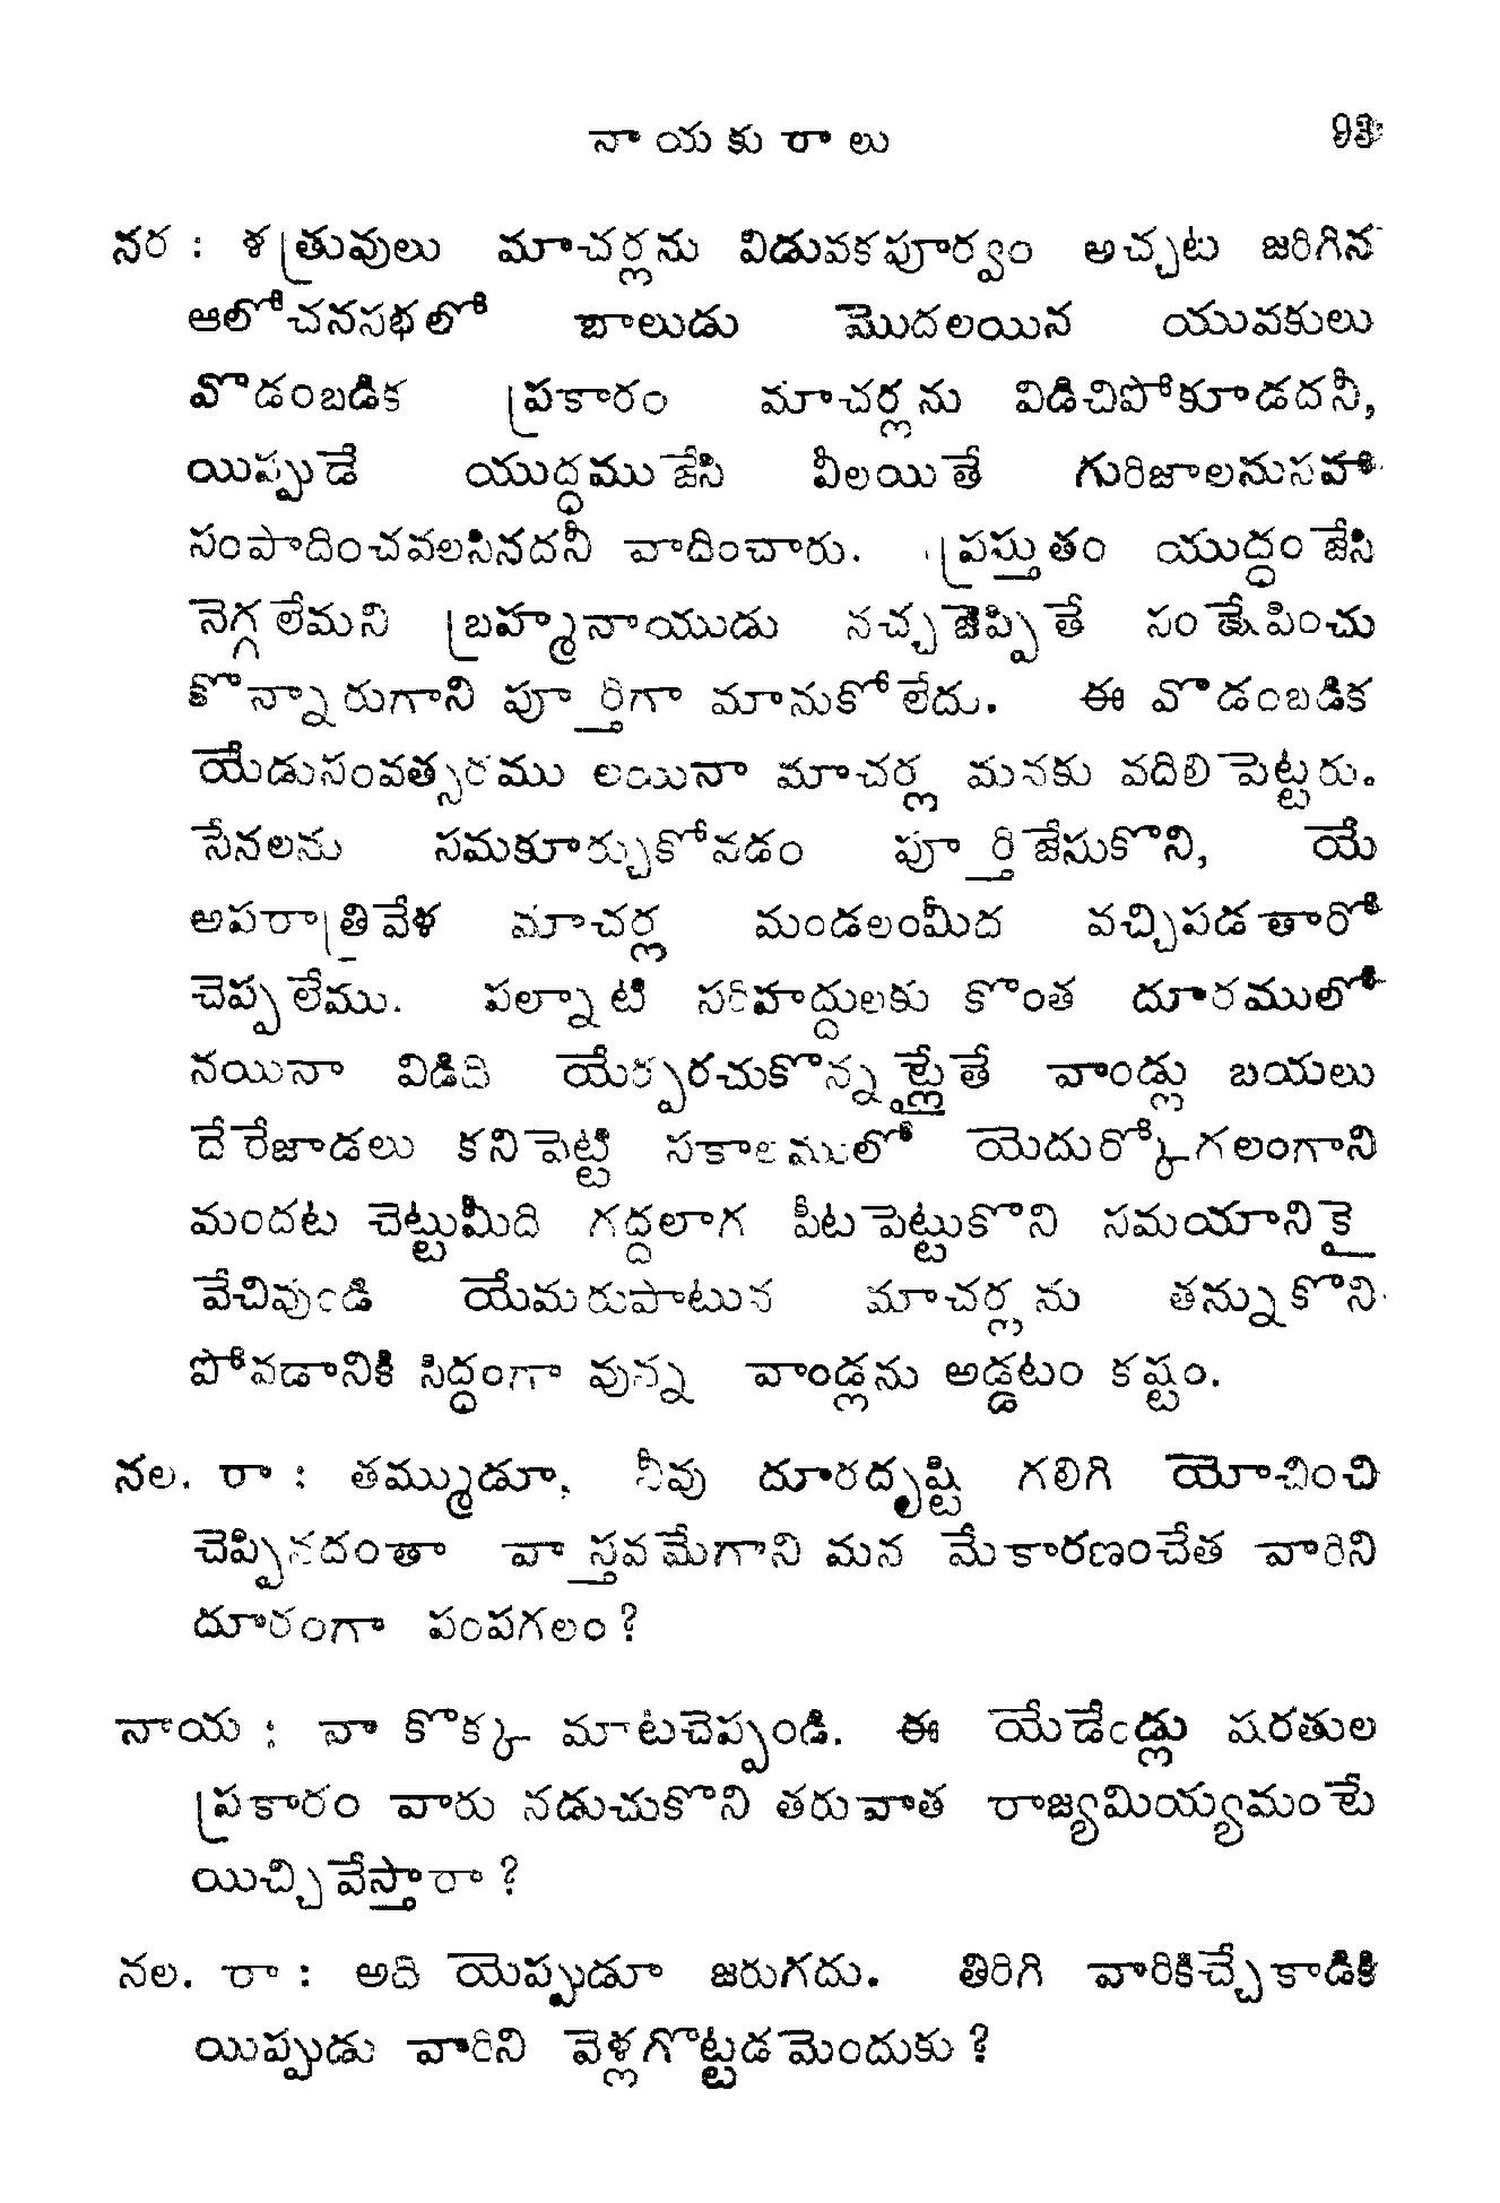నర : శత్రువులు మాచర్లను విడువకపూర్వం అచ్చట జరిగిన ఆలోచనసభలో బాలుడు మొదలయిన యువకులు వొడంబడిక ప్రకారం మాచర్లను విడిచిపోకూడదనీ, యిప్పుడే యుద్ధముజేసి వీలయితే
గురిజాలనుసహా. సంపాదించవలసినదనీ వాదించారు. ప్రస్తుతం యుద్ధం జేసి నెగ్గలేమని బ్రహ్మనాయుడు నచ్చజెప్పితే సంక్షేపించుకొన్నారుగాని పూర్తిగా మానుకోలేదు. ఈ వొడంబడిక
యేడుసంవత్సరము లయినా మాచర్ల మనకు వదిలి పెట్టరు. . సేనలను సమకూర్చుకోవడం పూర్తిజేసుకొని, యే అపరాత్రివేళ మాచర్ల మండలంమీద వచ్చిపడతారో చెప్పలేము. పల్నాటి సరిహద్దులకు కొంత దూరములో నయినా విడిది యేర్పరచుకొన్నట్లేతే వాండ్లు బయలుదేరేజాడలు కనిపెట్టి సకాలములో యెదుర్కోగలంగాని మందట చెట్టుమీది గద్దలాగ పీటపెట్టుకొని సమయానికై
వేచివుండి యేమరుపాటున మాచర్లను తన్నుకొని పోవడానికి సిద్ధంగా వున్న వాండ్లను అడ్డటం కష్టం.

నల. రా : తమ్ముడూ, నీవు దూరదృష్టి గలిగి యోచించి చెప్పినదంతా వాస్తవమేగాని మన మేకారణంచేత వారిని దూరంగా పంపగలం?

నాయ : నా కొక్క మాటచెప్పండి. ఈ యేడేండ్లు షరతుల ప్రకారం వారు నడుచుకొని తరువాత రాజ్యమియ్యమంటే యిచ్చివేస్తారా?

నల. రా : అది యెప్పుడూ జరుగదు. తిరిగి వారికిచ్చే కాడికి యిప్పుడు వారిని వెళ్లగొట్టడమెందుకు ?